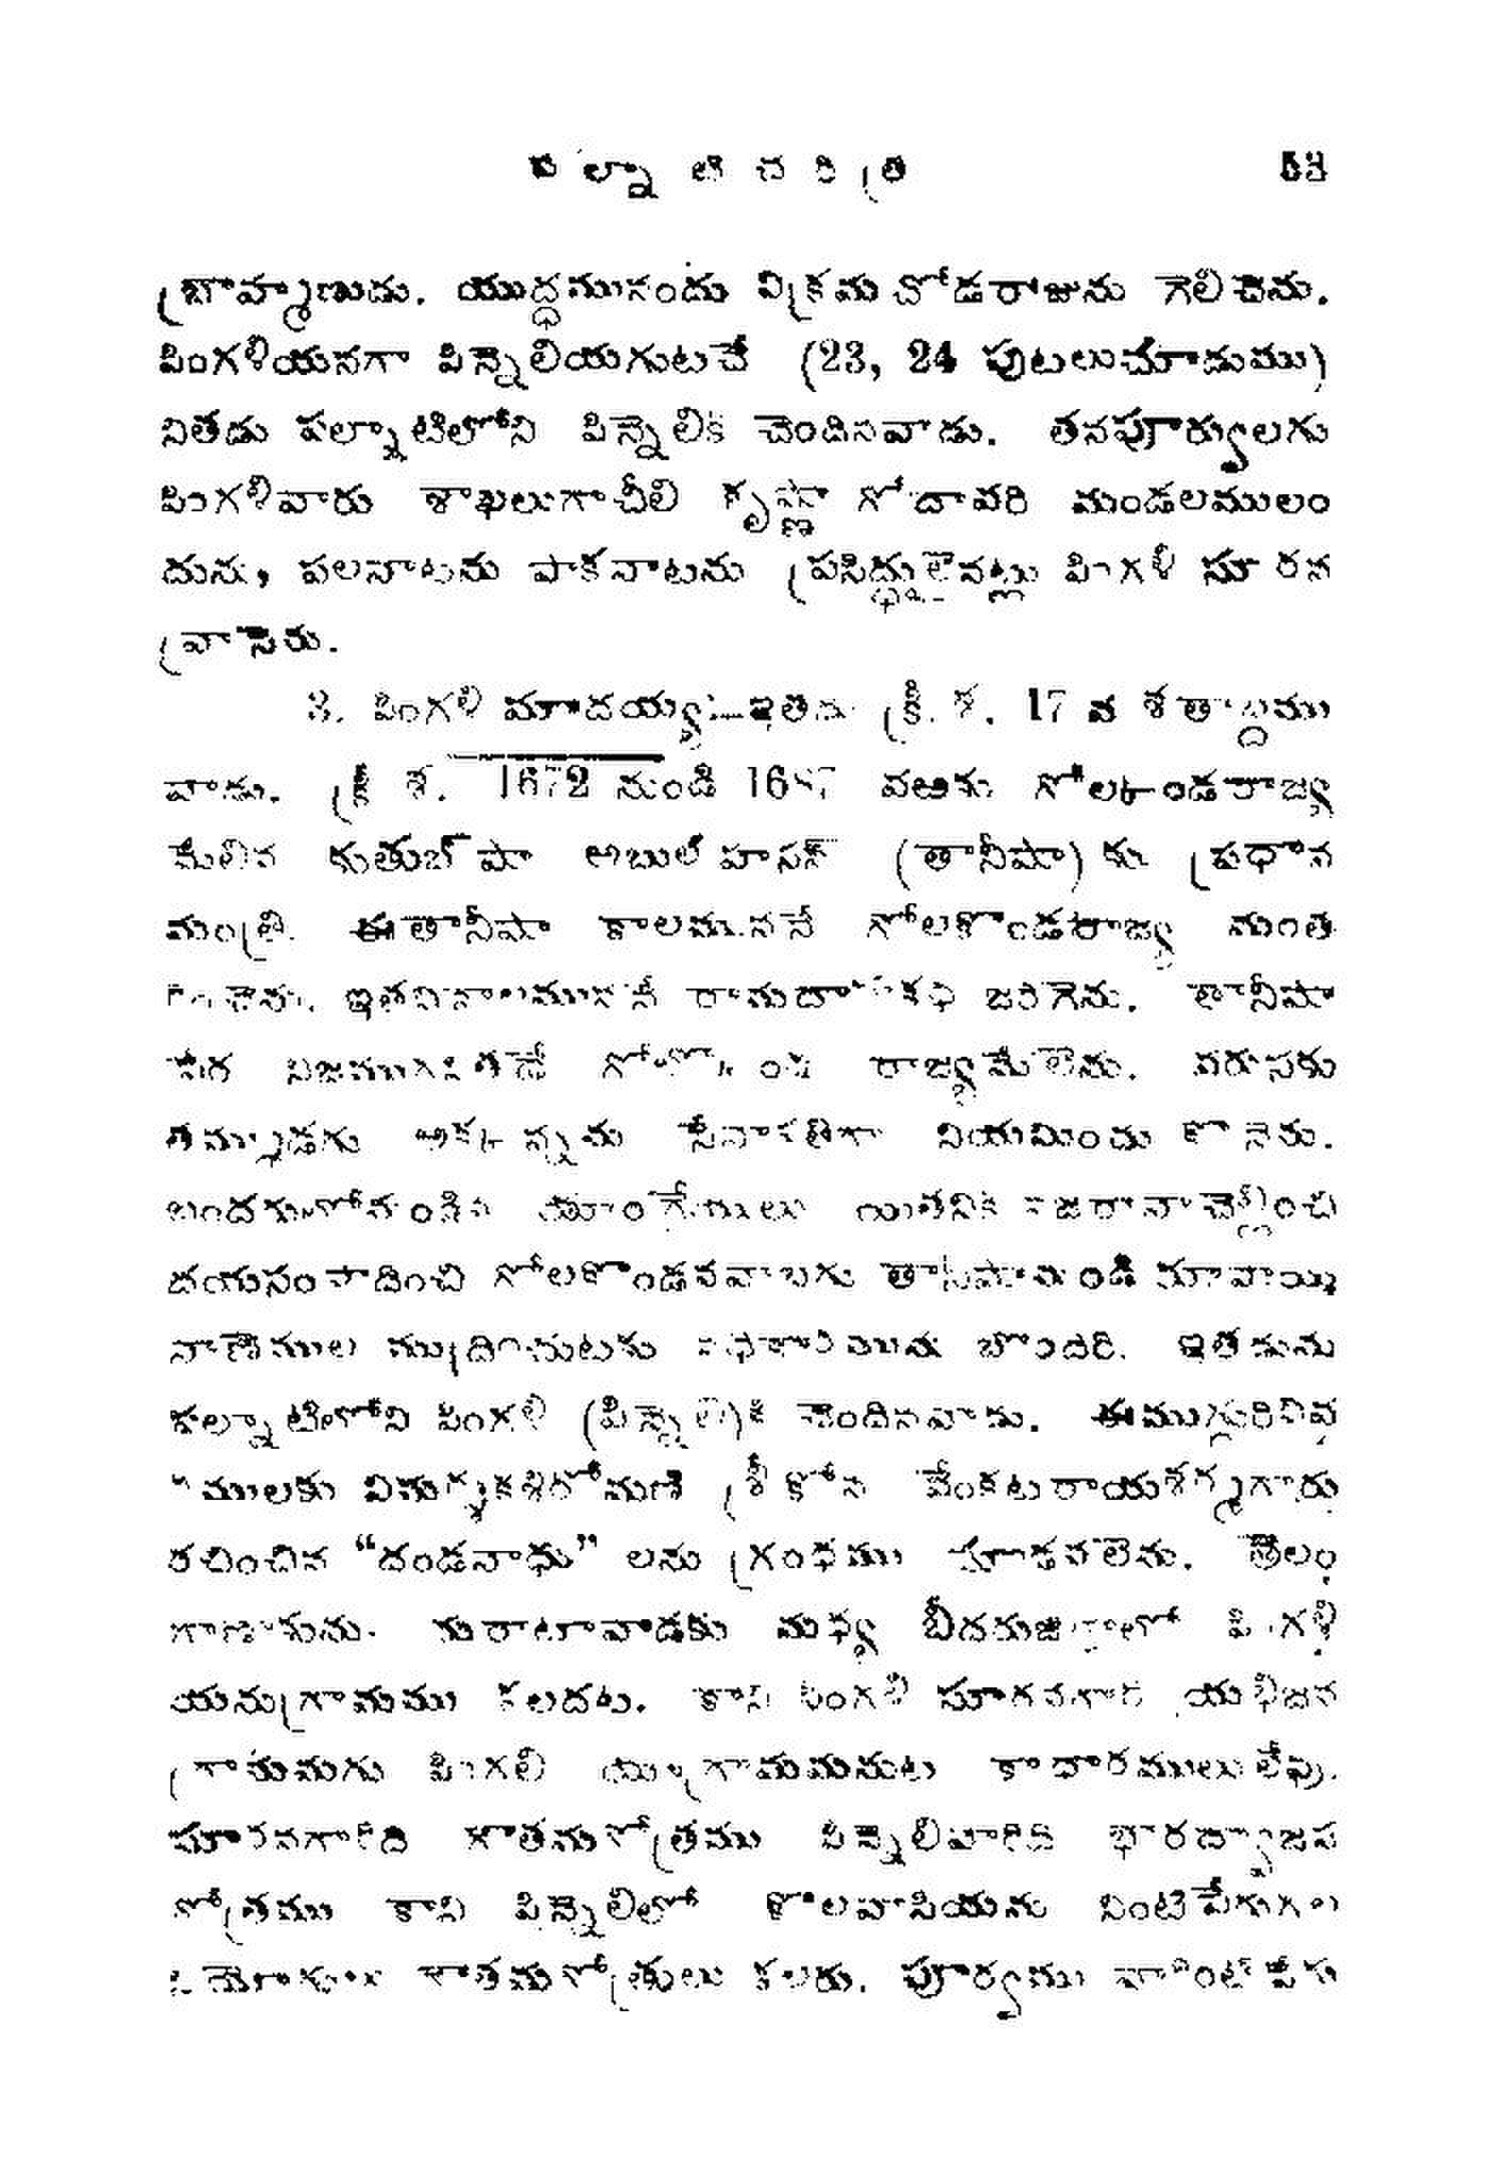బ్రాహ్మణుడు. యుద్ధమునందు విక్రమచోడరాజును గెలిచెను.
పింగళియనగా పిన్నెలియగుటచే (23, 24 పుటలు చూడుము)
నితడు పల్నాటిలోని పిన్నెలికి చెందినవాడు. తన పూర్వులగు
పింగళివారు శాఖలుగా చీలి కృష్ణా గోదావరి మండలములందును, 
పలనాటను పాకనాటను ప్రసిద్ధులైనట్లు పింగళి సూరన
వ్రాసెను.

3. పింగళి మాదయ్య..ఇతను క్రీ.శ. 17 వ శతాబ్దము
వాడు. క్రీ.శ. 1672 నుండి 1687 వఱకు గోల్కండ రాజ్య
మేలిన కుతుబ్ అబుల్ హసన్ (తానీషా) కు ప్రధాన
మంత్రి. ఈ తానీషా కాలముననే గోలకొండ రాజ్య మంతరించెను . 
ఇతనికాలముకనే రామదాసుకథ జరిగెను, తానీషా పేర 
నిజమునితడే గోల్కొండ రాజ్యమేలెను. వరుసకు
తమ్ముడగు అక్కన్నను సేనాపతిగా నియమించు కొనెను.
బందరులోనుండిన యాంగ్లేయులు యితనికి నజరానా చెల్లించి
దయ సంపాదించి గోలకొండనవాబగు తానీషానుండి రూపాయి
నాణెముల ముద్రించుటకు నధికారమును బొందిరి. ఇతడును 
పల్నాటిలోని పింగళి (పిన్నెలి) కి చెందినవాడు. ఈముగ్గురి
వివరములకు విమర్శకశిరోమణి శ్రీ కోన వేంకటరాయశర్మగారు
రచించిన “దండనాధు" లను గ్రంధము చూడవలెను. తెలంగాణా 
కును, మరాటావాడకు మధ్య బీదరుజల్లాలో పింగళి
యను గ్రామము కలదట. కాని పింగళి సూరనగారి యభిజన
గ్రామమగు పింగలి యా గ్రామమనుట కాధారములు లేవు.
సూరనగారిది గౌతమగోత్రము పిన్నెలివారిది భారద్వాజస 
గోత్రము కాని పిన్నెలిలో కొలవాసియను నింటి పేరుగల
నియోగులు గౌతమగోత్రులు కలరు. పూర్వము వారింటి పేరు